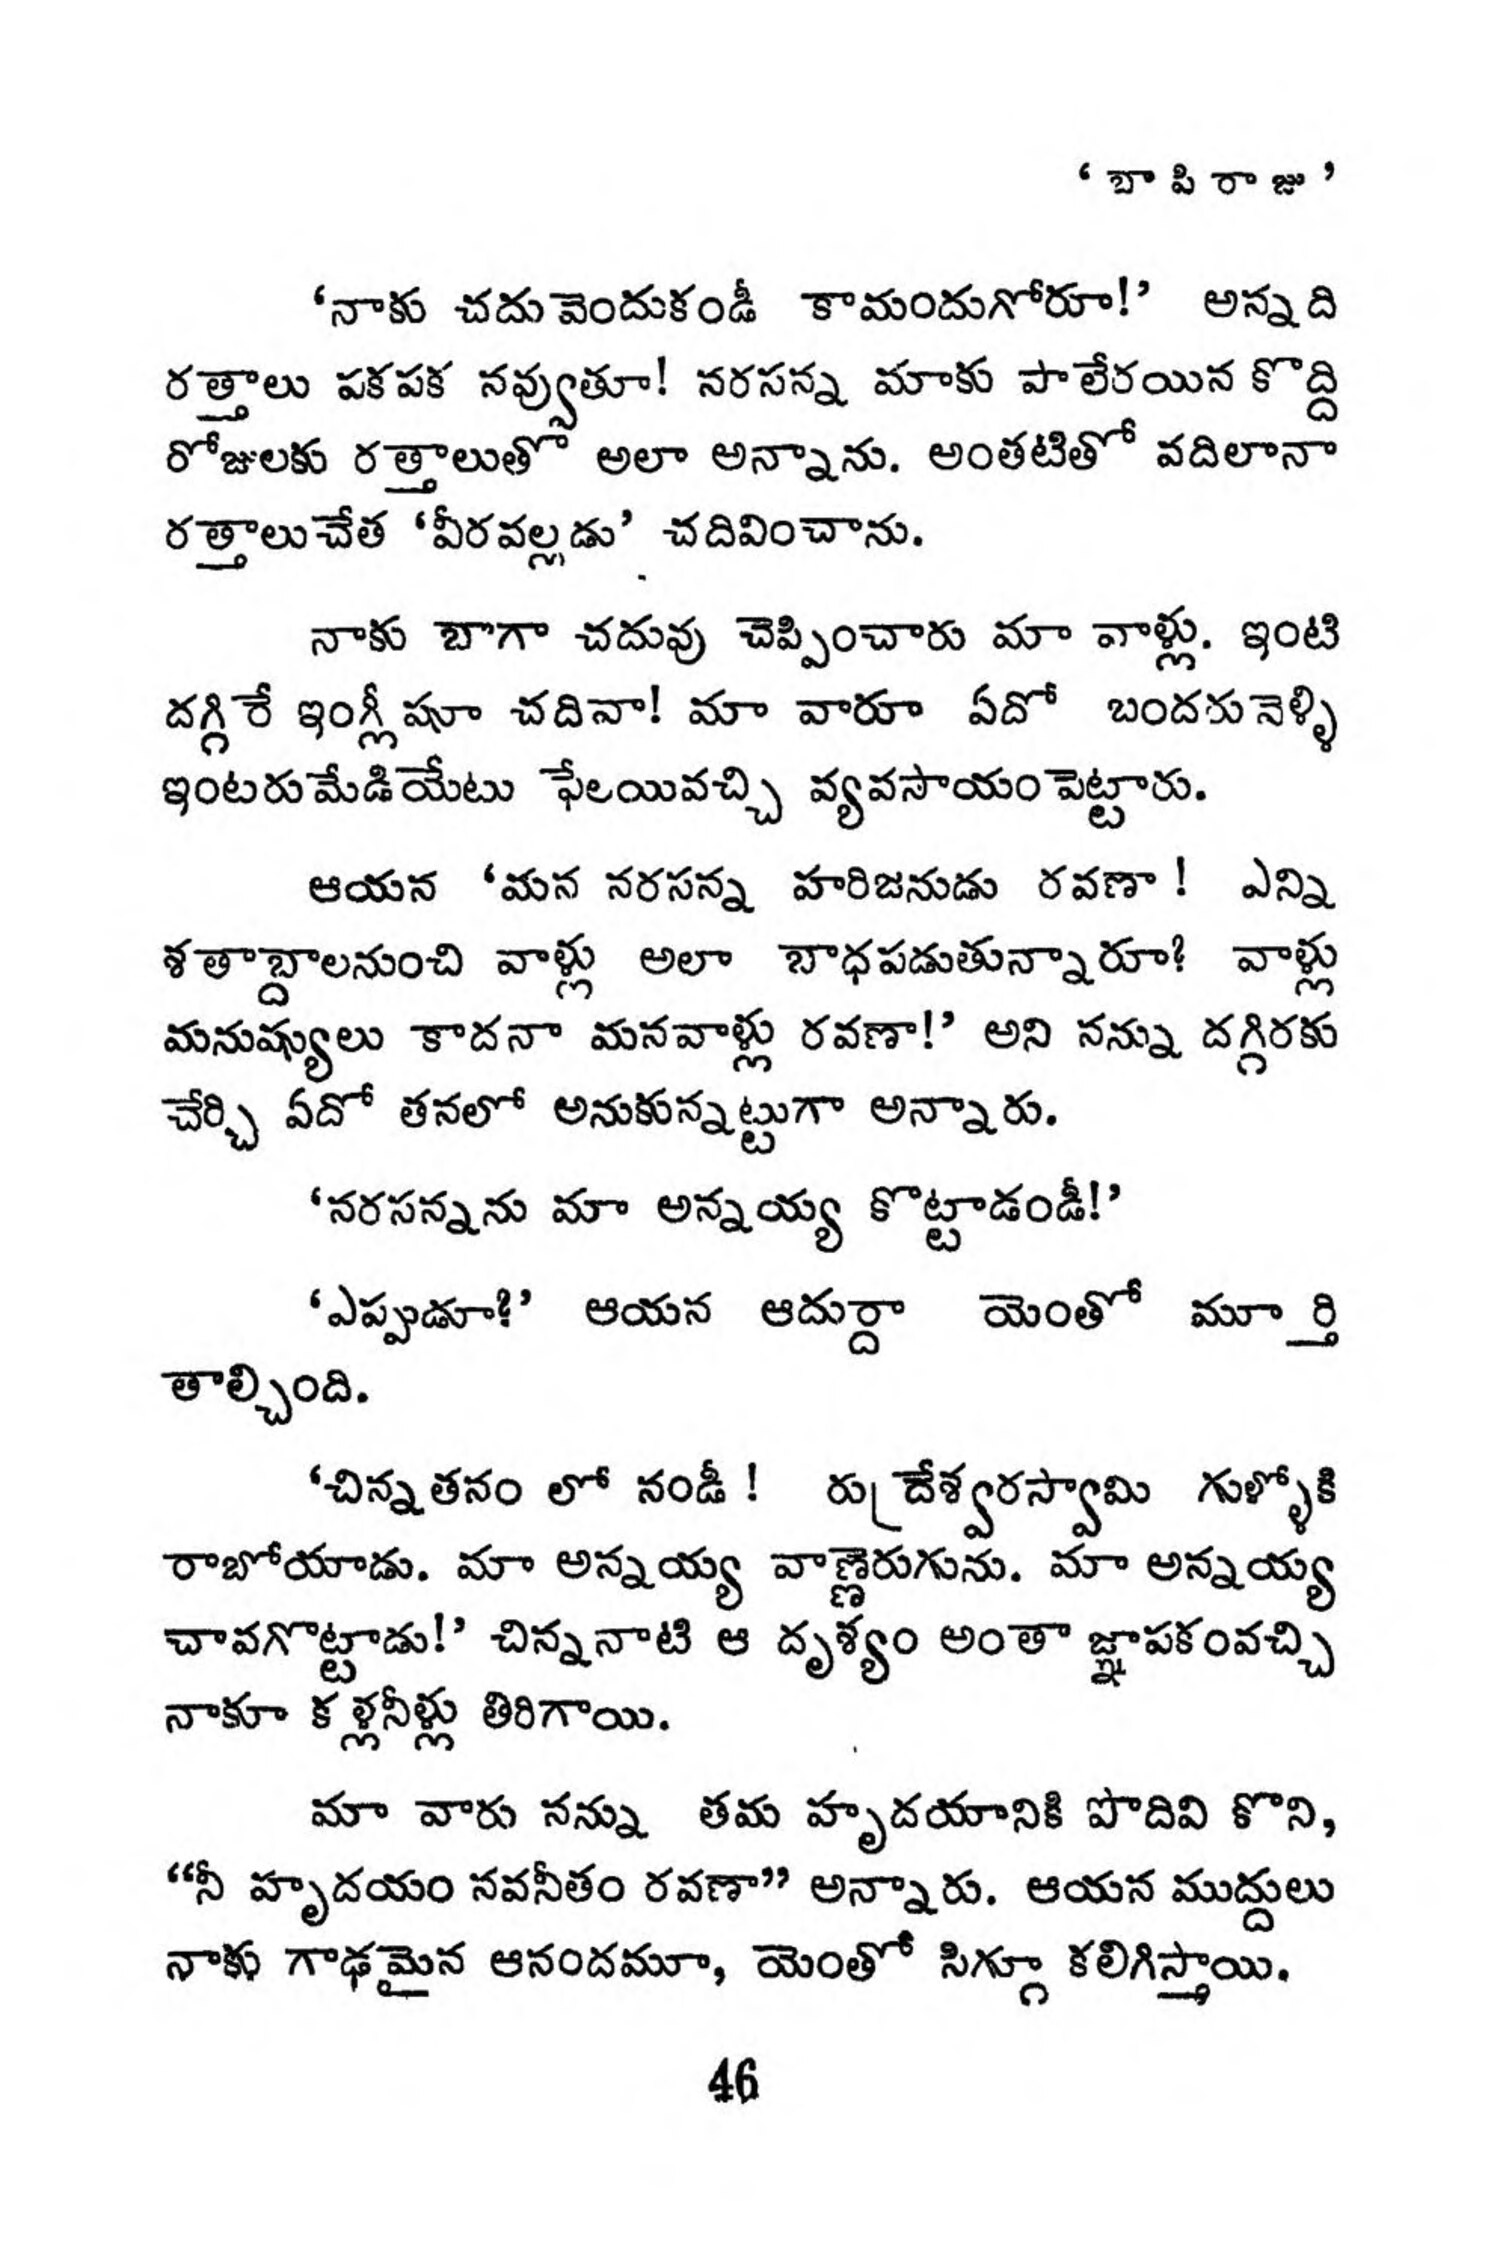'నాకు చదువెందుకండీ కామందుగోరూ!' అన్నది రత్తాలు పకపక నవ్వుతూ! నరసన్న మాకు పాలేరయిన కొద్ది రోజులకు రత్తాలుతో అలా అన్నాను. అంతటితో వదిలానా రత్తాలుచేత 'వీరవల్లడు' చదివించాను.

నాకు బాగా చదువు చెప్పించారు మా వాళ్లు. ఇంటి దగ్గిరే ఇంగ్లీషూ చదివా! మా వారూ ఏదో బందరువెళ్ళి ఇంటరుమేడియేటు ఫేలయివచ్చి వ్యవసాయంపెట్టారు.

ఆయన 'మన నరసన్న హరిజనుడు రవణా ! ఎన్ని శతబ్దాలనుంచి వాళ్లు అలా బాధపడుతున్నారూ? వాళ్లు మనుష్యులు కాదనా మనవాళ్లు రవణా!' అని నన్ను దగ్గిరకు చేర్చి ఏదో తనలో అనుకున్నట్టుగా అన్నారు.

'నరసన్నను మా అన్నయ్య కొట్టాడండీ!'

'ఎప్పుడూ?' ఆయన ఆదుర్దా యెంతో మూర్తి తాల్చింది.

'చిన్నతనం లో నండీ! రుద్రేశ్వరస్వామి గుళ్ళోకి రాబోయాడు. మా అన్నయ్య వాణ్ణెరుగును. మా అన్నయ్య చావగొట్టాడు!' చిన్ననాటి ఆ దృశ్యం అంతా జ్ఞాపకంవచ్చి నాకూ కళ్లనీళ్లు తిరిగాయి.

మా వారు నన్ను తమ హృదయానికి పొదివి కొని, "నీ హృదయం నవనీతం రవణా" అన్నారు. ఆయన ముద్దులు నాకు గాఢమైన ఆనందమూ, యెంతో సిగ్గూ కలిగిస్తాయి.